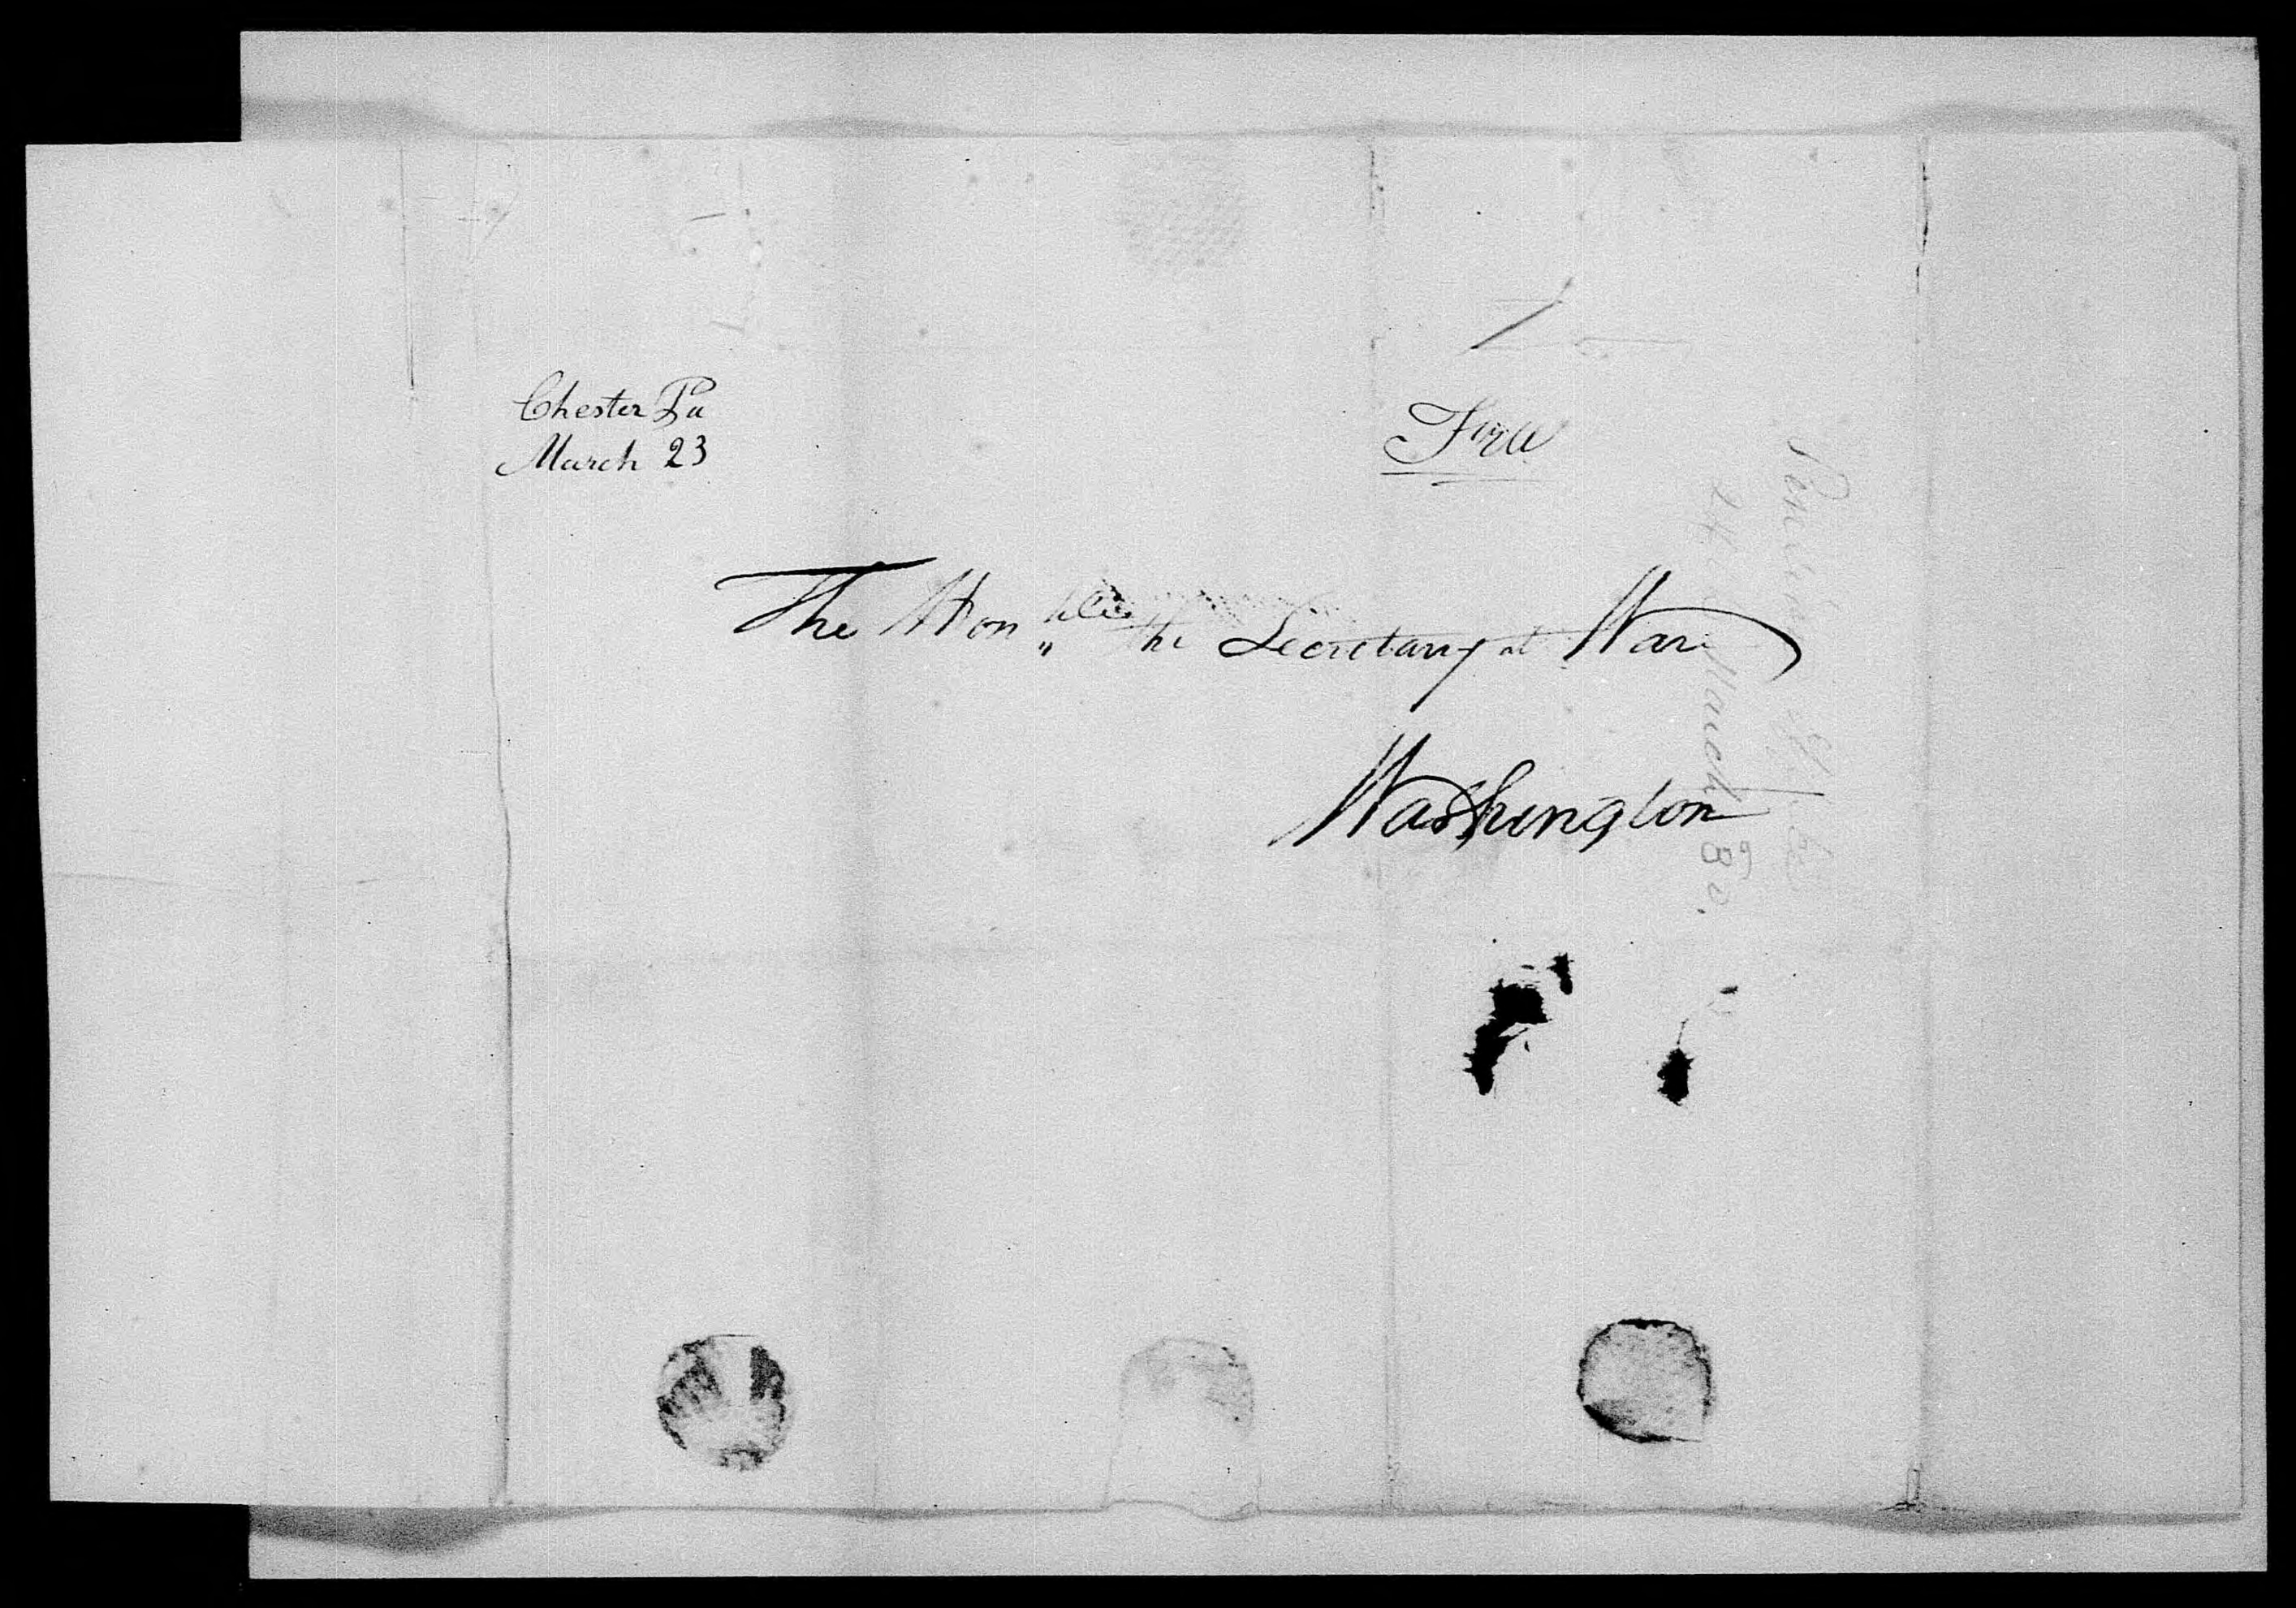Chester Pa
March 23
Free
The Honable. [Honorable] the Secretary at War
Washington

Pension office 
24 march 30.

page: 15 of 28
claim: survivor's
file: S. 5,048, for Henry Malcolm